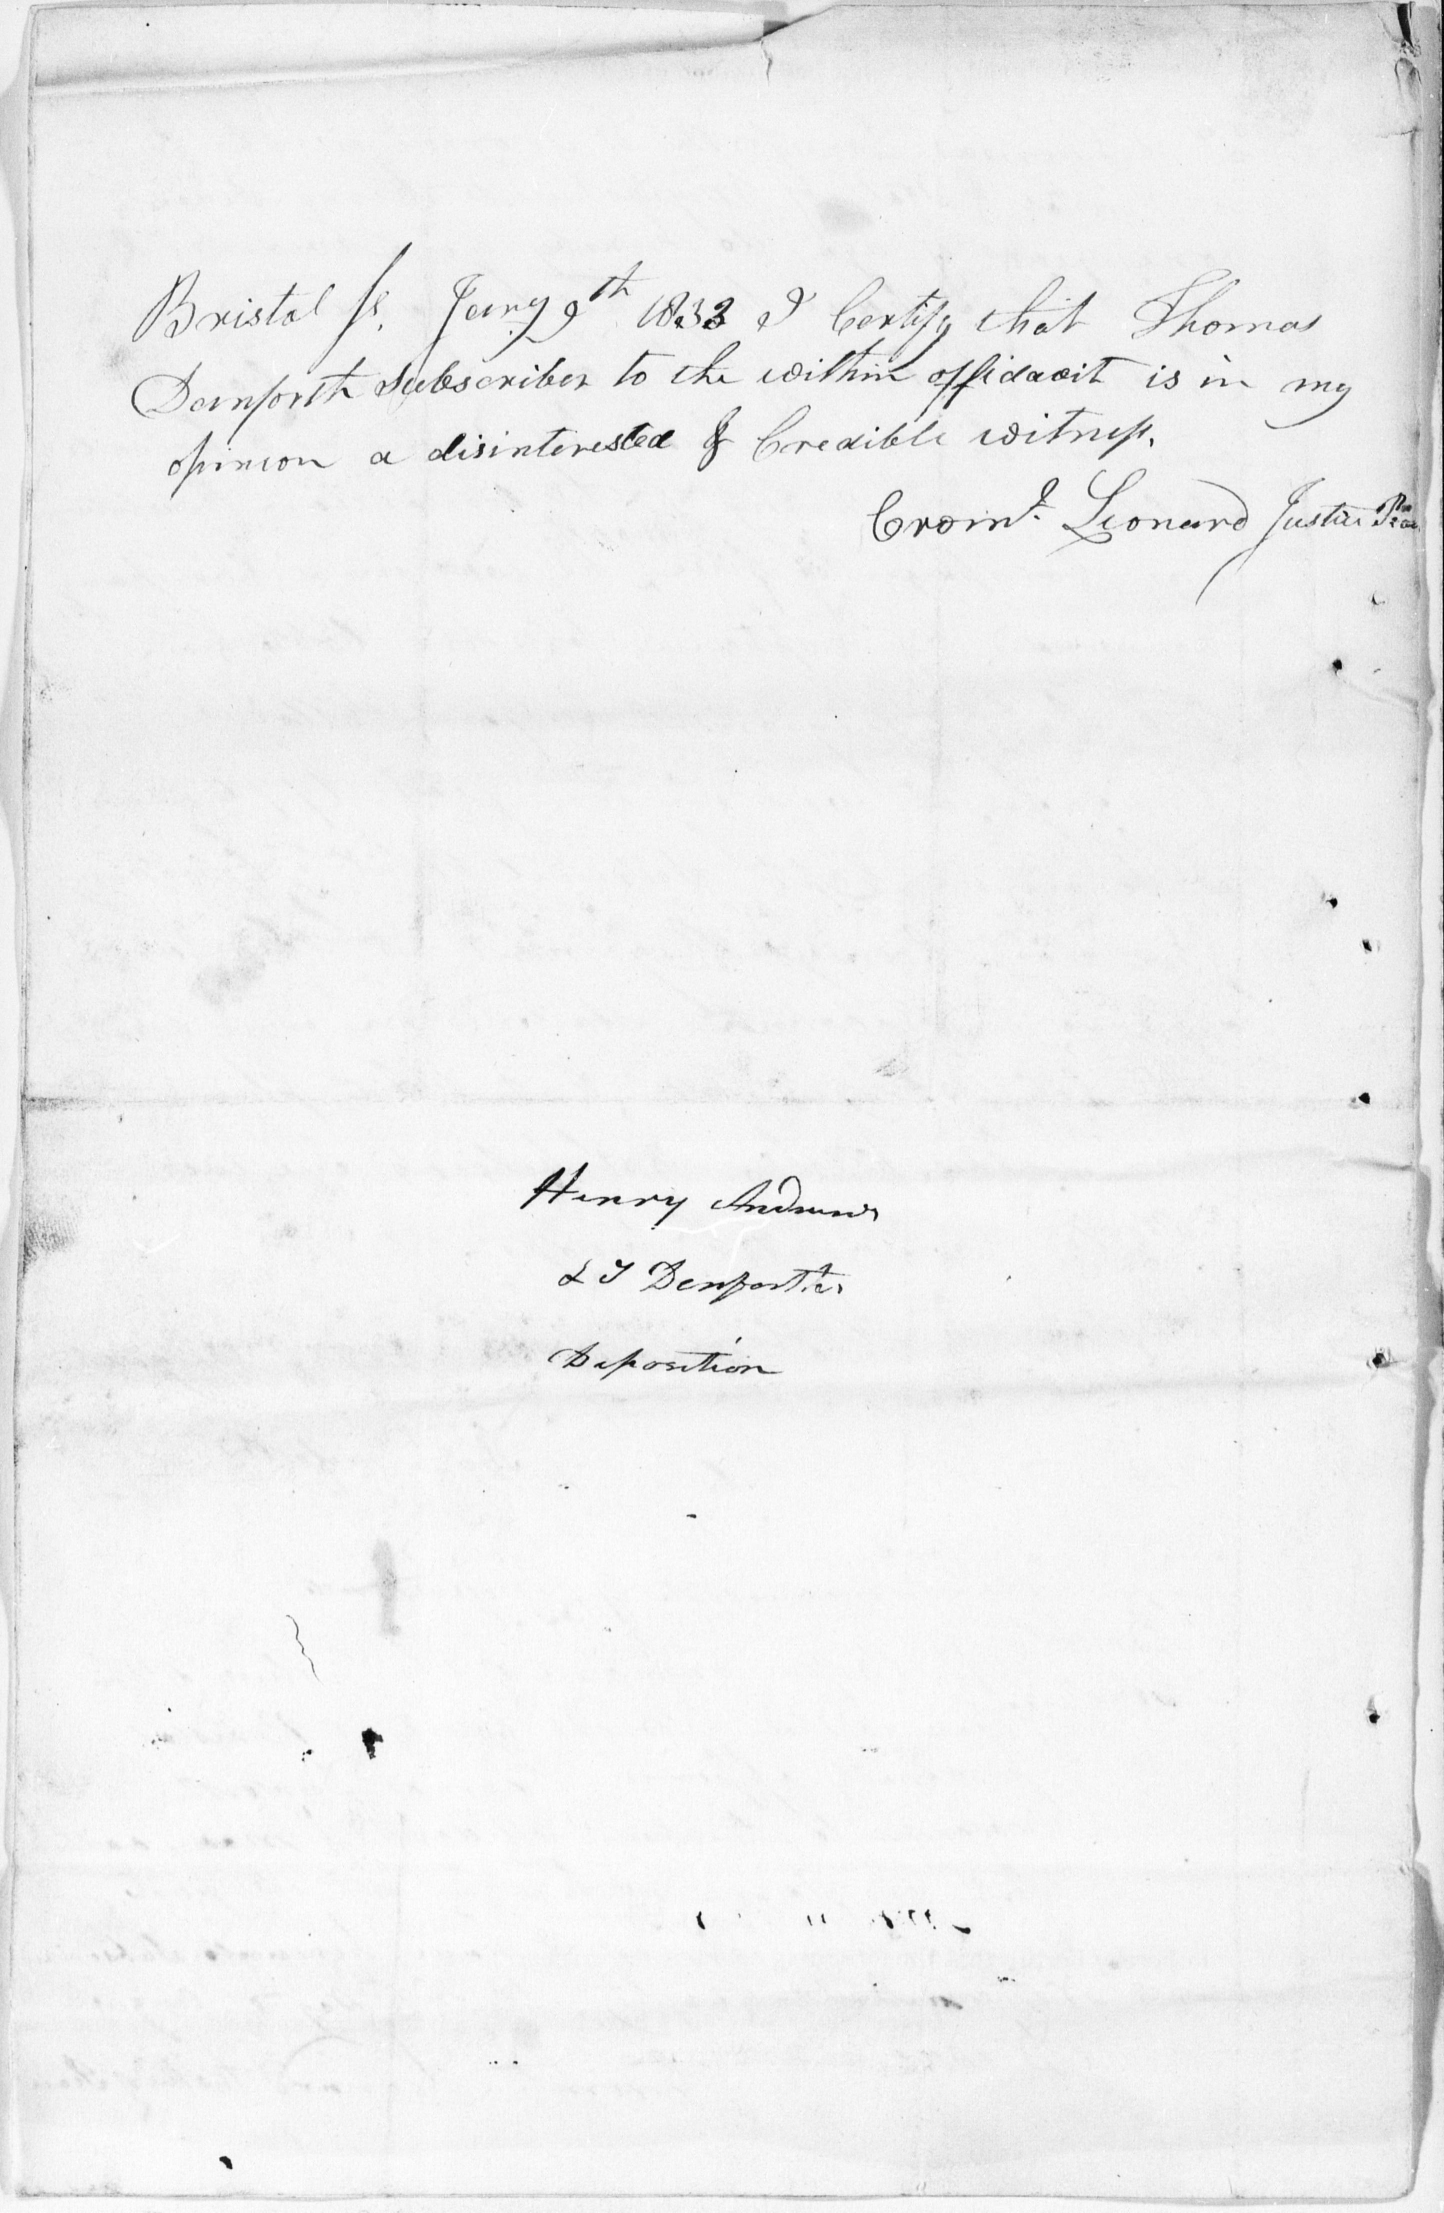Bristol SS Jany 9th 1833 I certify  that Thomas Danforth subscriber to the within affidavit is in my opinion a disinterested & credible witness. Croml Leonard Justice of Peace

Henry Andrews 
& T Danforth Deposition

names: L T Denforths, Croml Leonard, Henry Andrews, Thomas Danforth, Bristol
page: 14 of 18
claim: survivor's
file: S. 29,590, Nathan Andrews, Mass R.I.